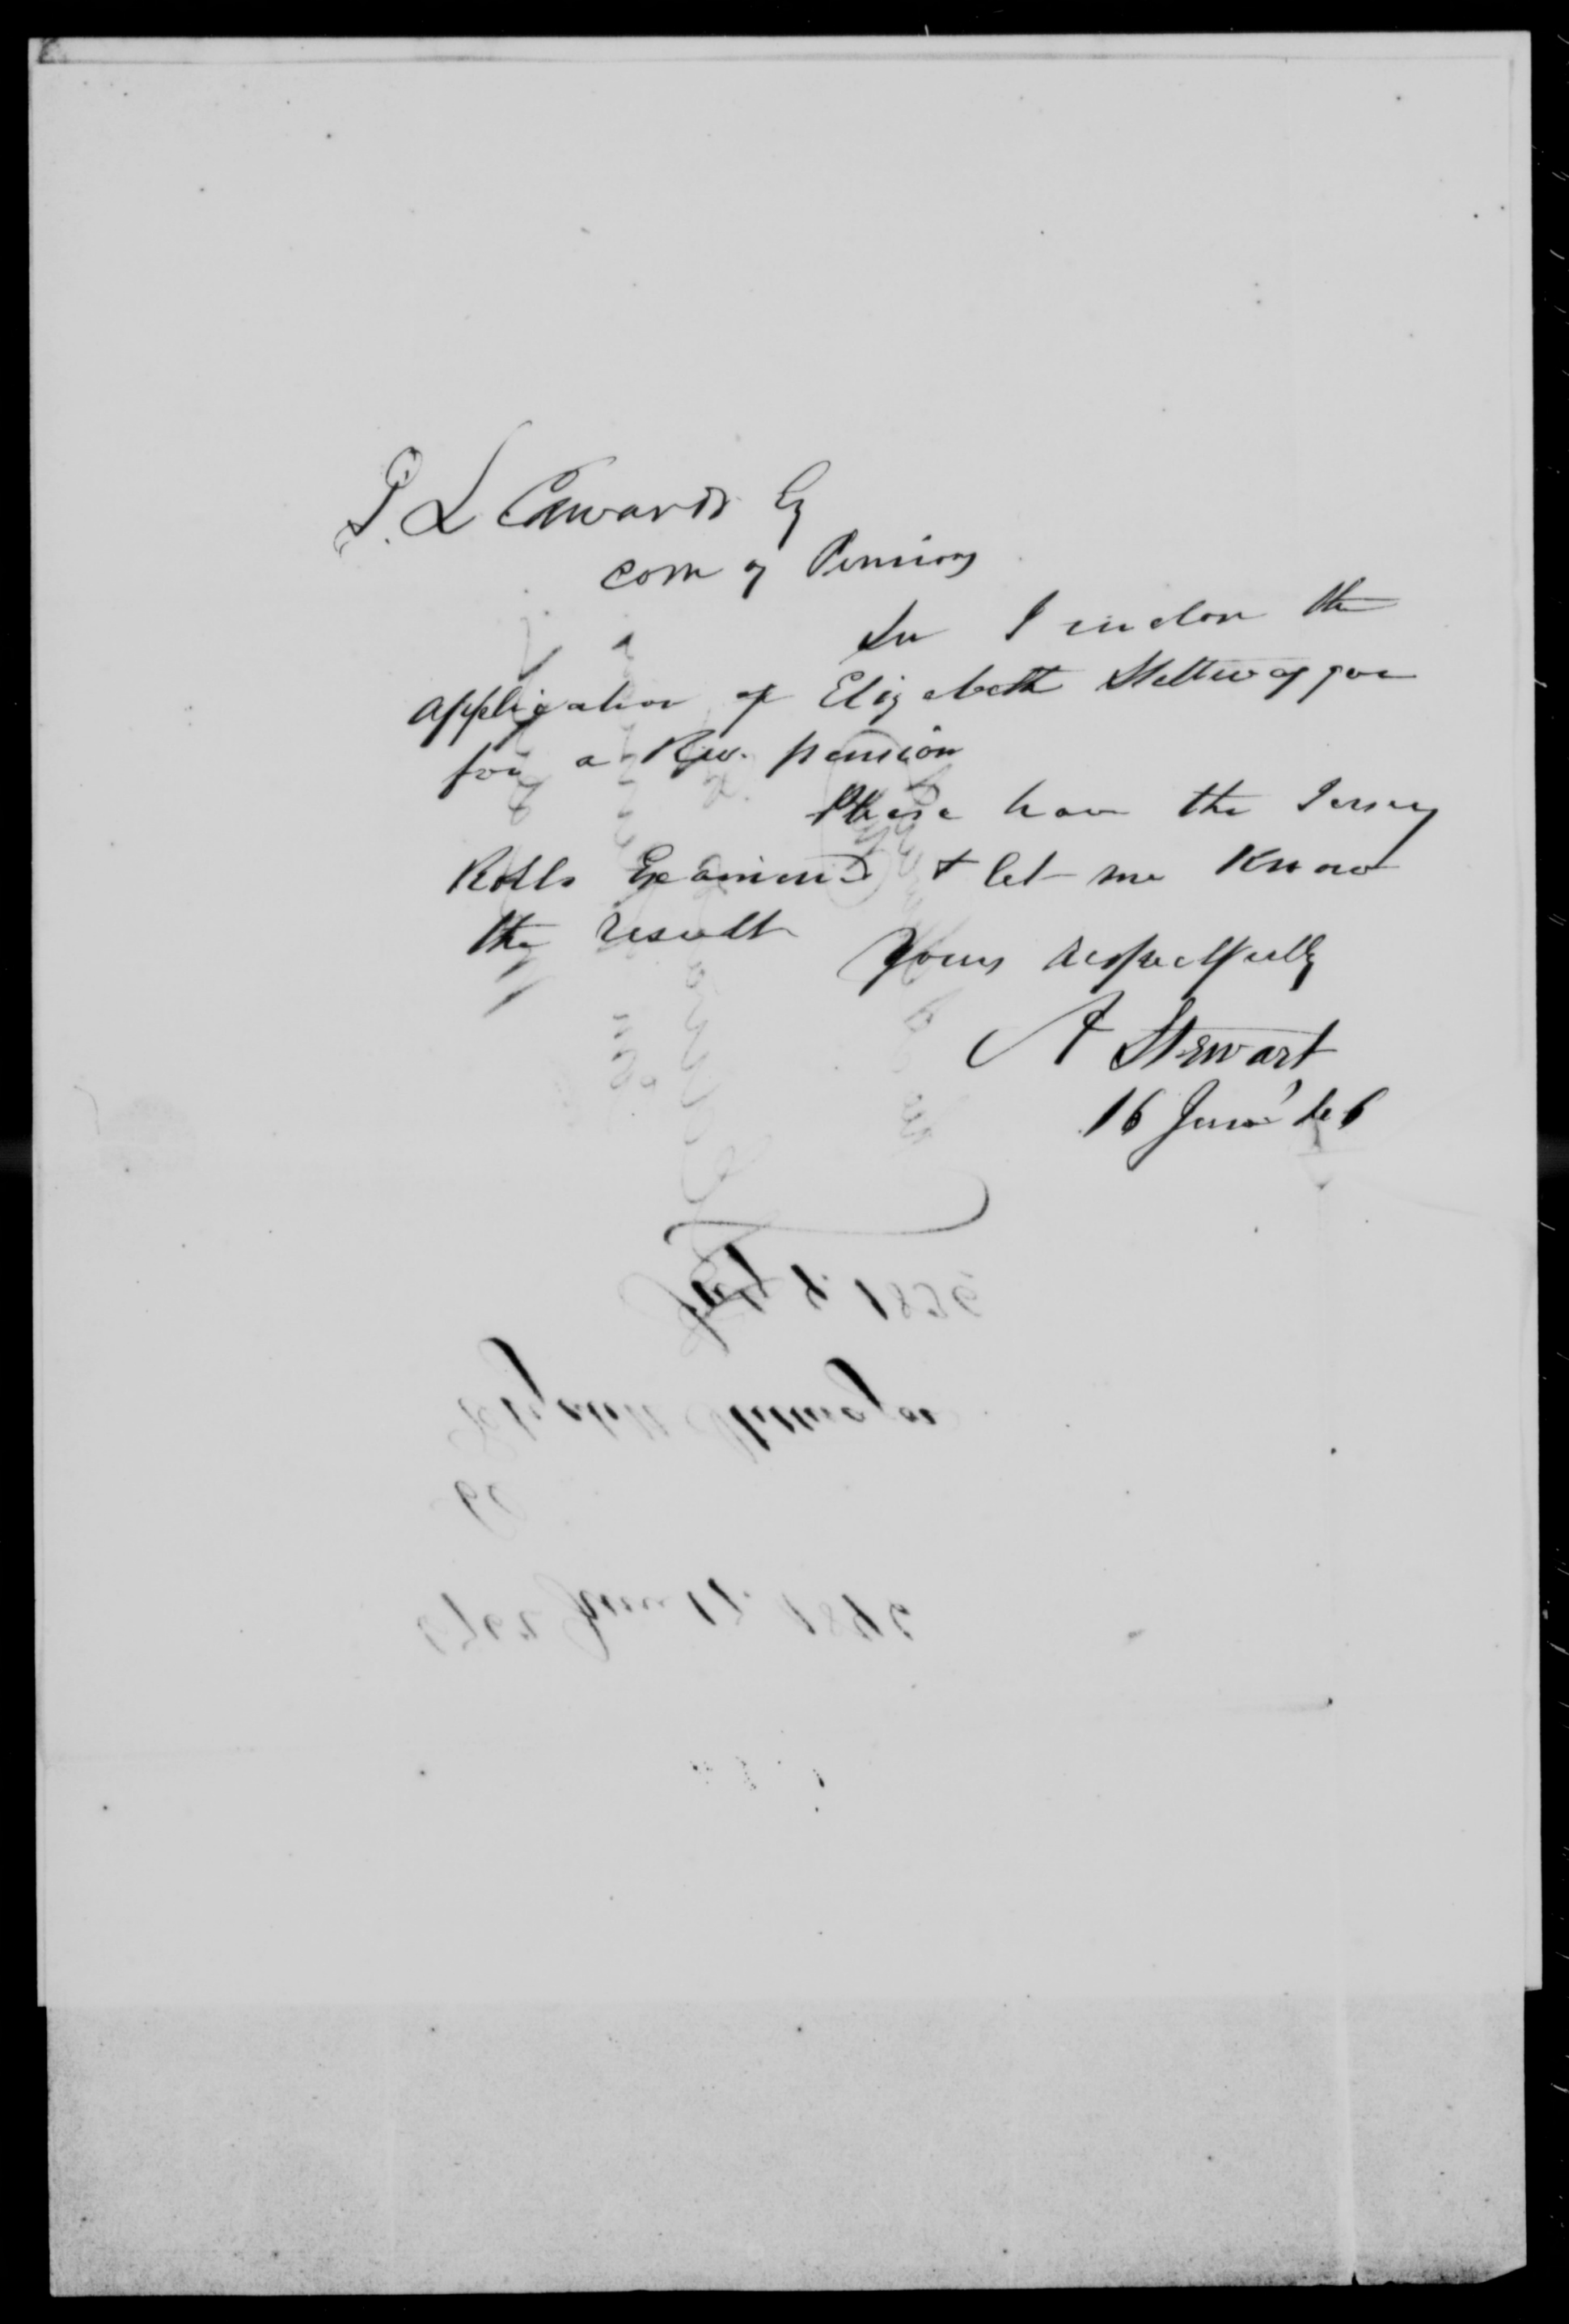J. L. Edwards Esq
Com of Pensions
Sir
I enclose the application of Elizabeth Stillwaggon for a Rev pension

Please have the Jersey rolls examined & let me know the result.

Yours respectfully,
A Stewart
16 June 48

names: A Stewart; J L Edwards; Elizabeth Stillwaggon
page: 58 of 73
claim: widow's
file: W. 3197, for Peter Stillwagon, New Jersey